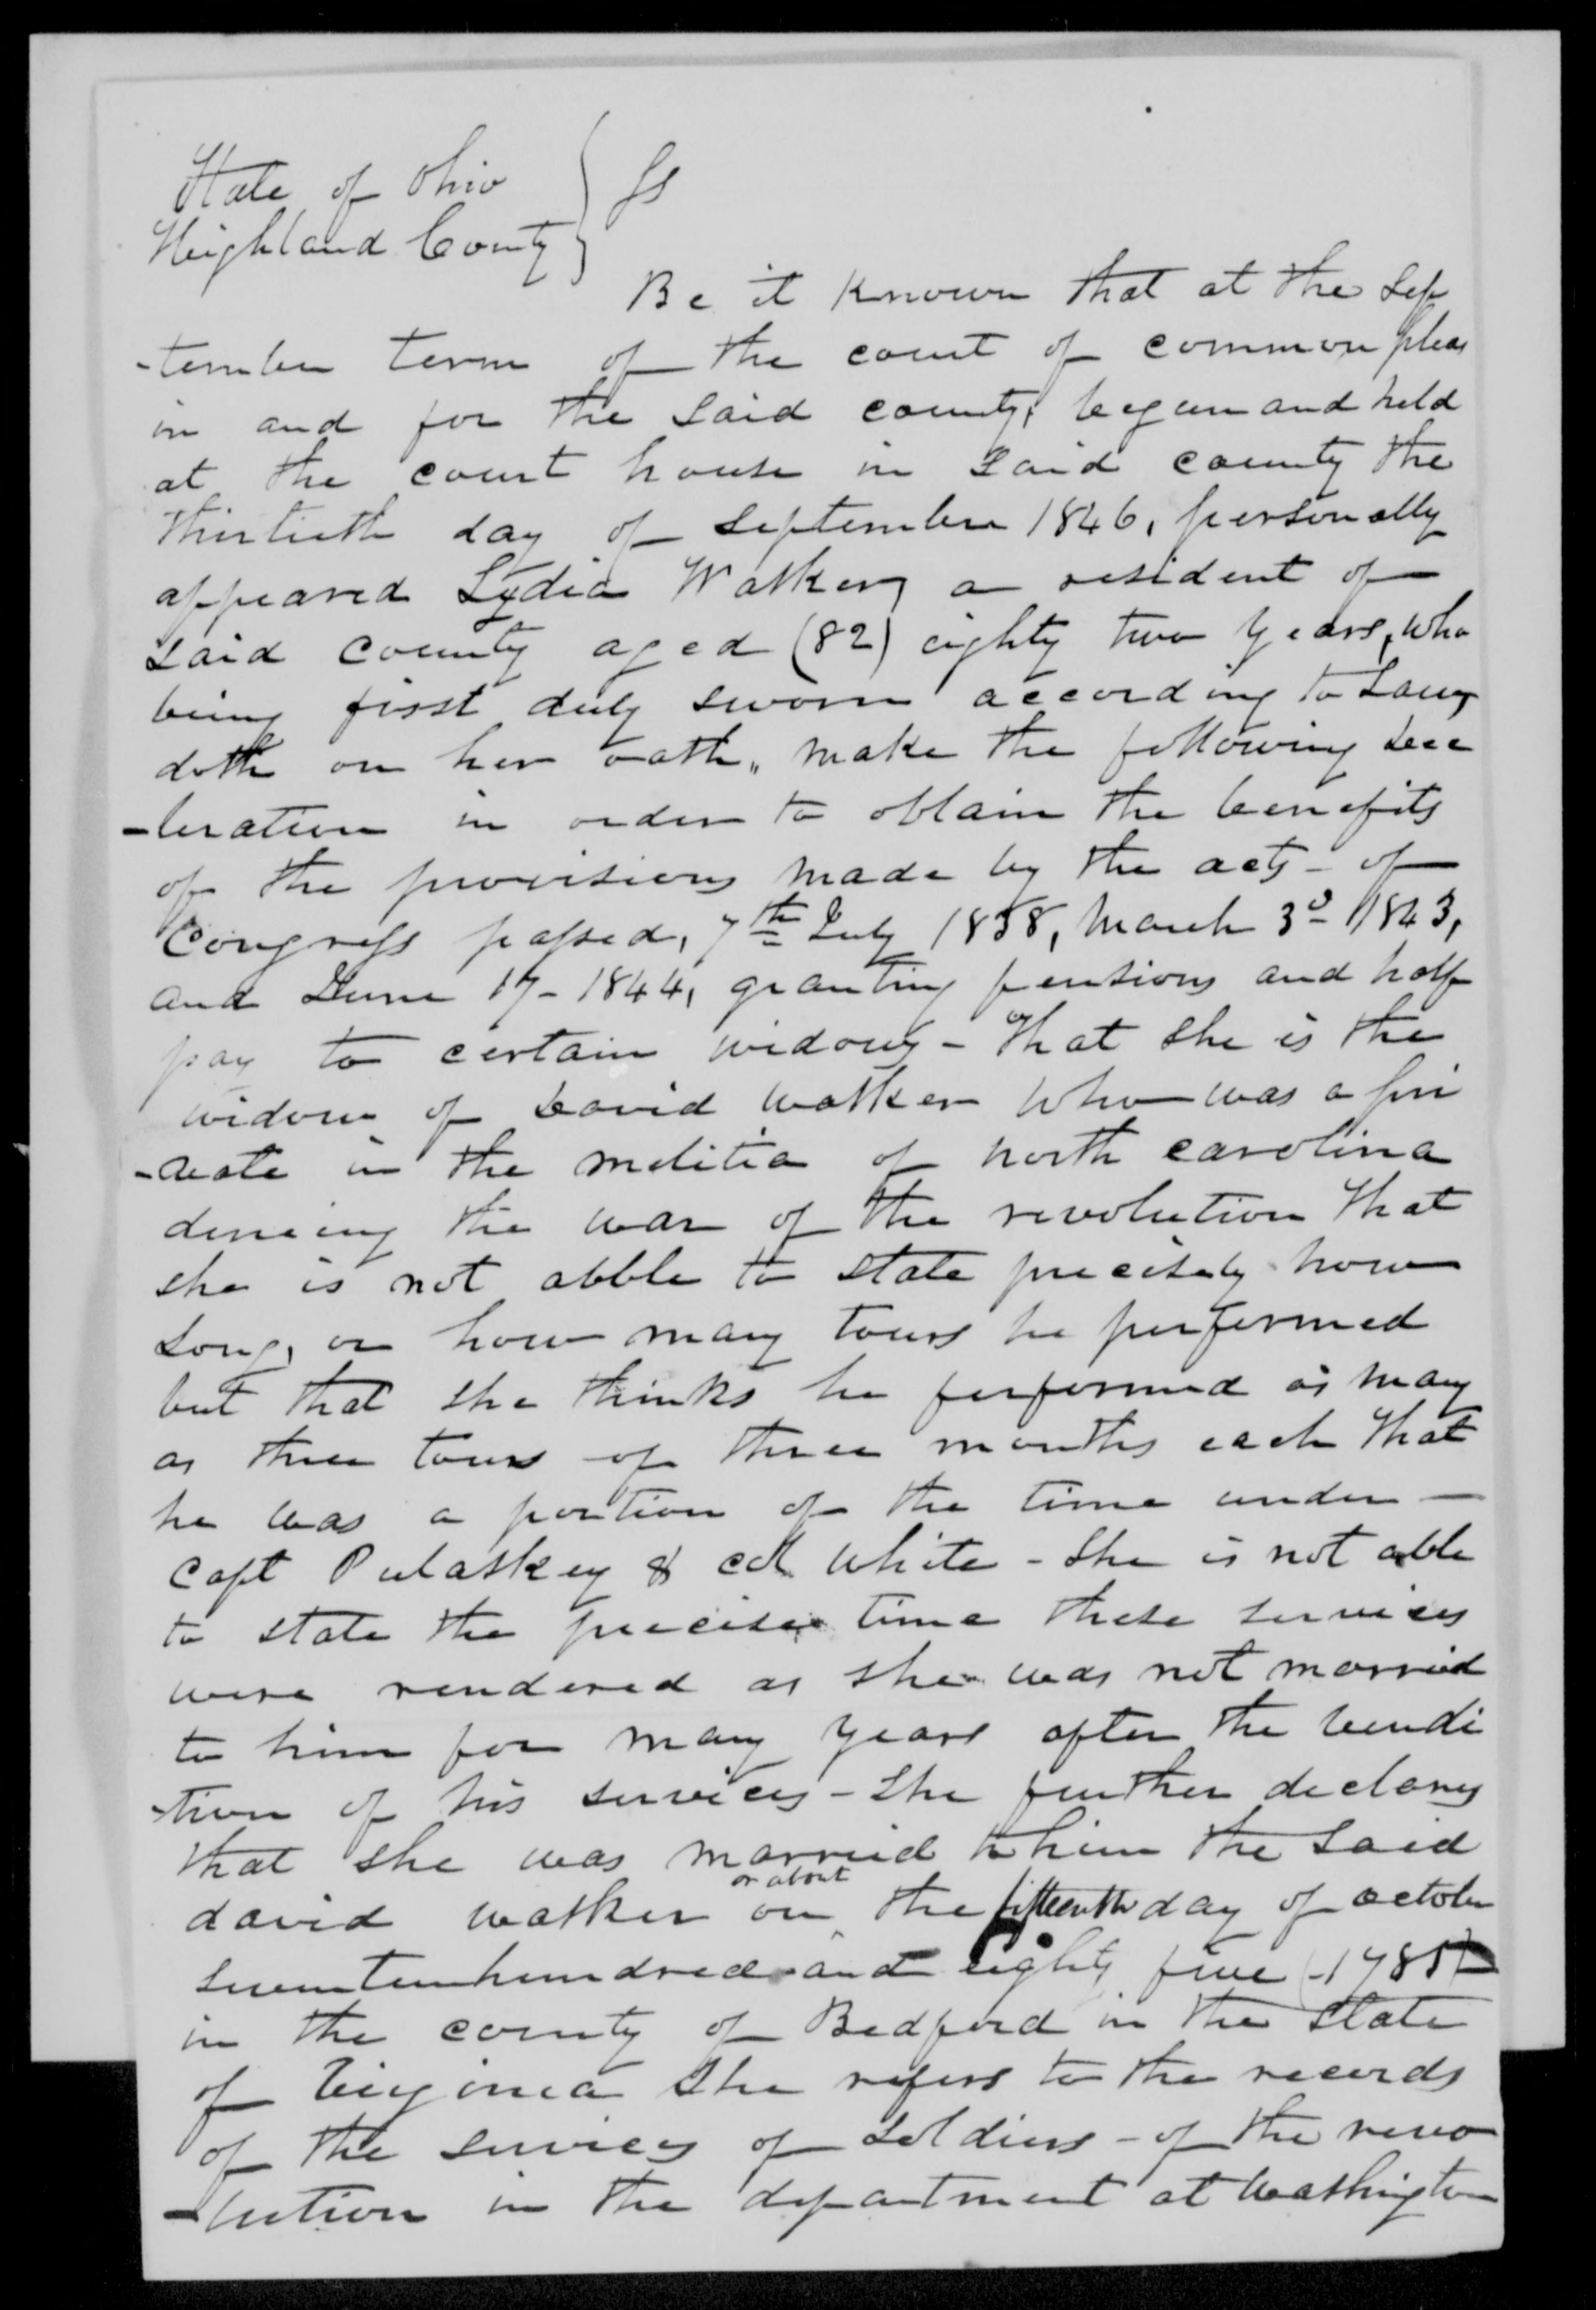State of Ohio
Highland County
Be it known that at the September term of the court of Common pleas in and for the said County, begun and held at the courthouse in said County the thirtieth day of September 1846, personally appeared Lydia Walker a resident of said County aged (82) eighty two years, who being first duly sworn according to Law doth on her oath, make the following declaration in order to obtain the benefits of the provisions made by the act of Congress passed 7th July 1838, March 3d 1843 and June 17-1844, granting pensions and half pay to certain widows- That she is the widow of David Walker who was a Private in the militia of North Carolina during the war of the revolution that she is not able to state precisely how long, or how many tours he performed but that she thinks he performed as many as three tours of three months each that he was a portion of the time under- Capt. Pulaskey & Col. White. She is not able to state the precise time these services were rendered as she was not married to him for many years after the end of his services. She further declares that she was married to him the said  David Walker on the fifteenth day of October Seventeen hundred and Eighty five  in the County of Bedford in the State of Virginia. She refers to the records of the services of soldiers of the revolution in the department at Washington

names: Pulaskey, David Walker, David Walker, Lydia Walker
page: 6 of 37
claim: rejected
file: R. 11047, David Walker, N.C.